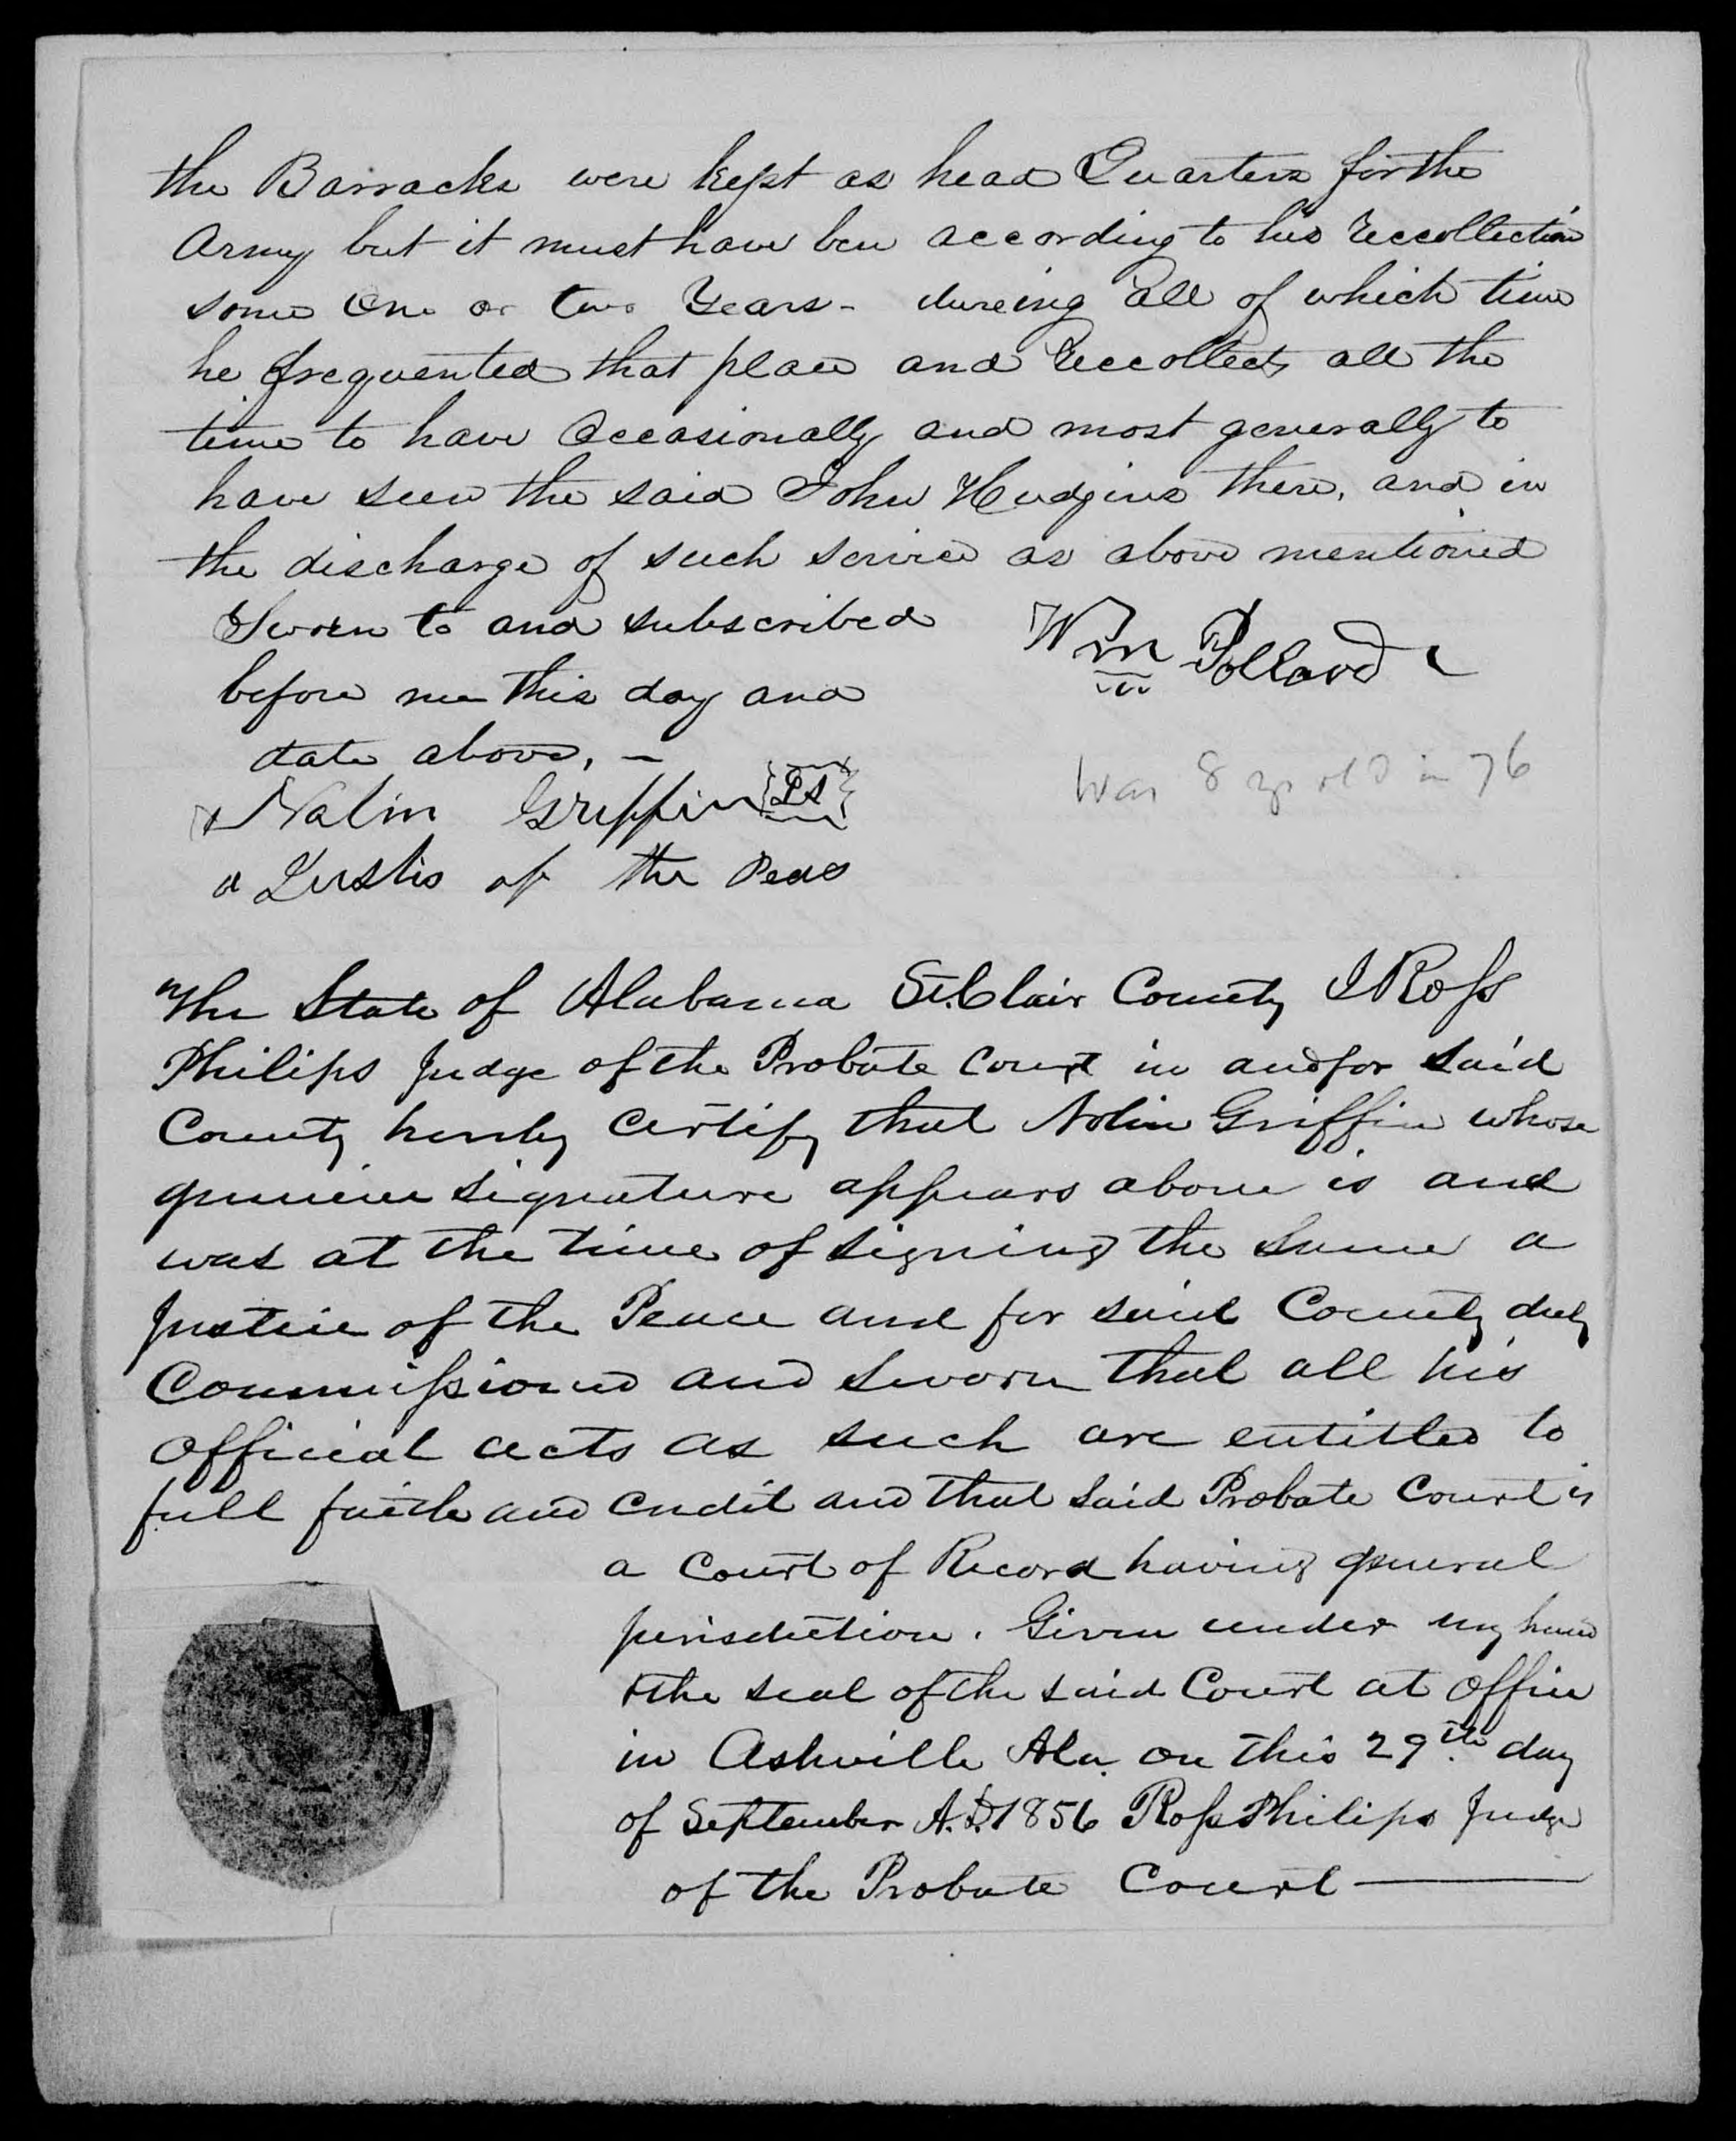the Barracks were kept as head Quarter for the Army but it must have been according to his recollection some one or two years, during all of which time he frequented that place and recollects all the time to have occasionally and most generally to have seen the said John Hudgins there, and in the discharge of such service as above mentioned. 
Sworn to and subscribed before me this day and date above. Wm. Pollard
Nolin Griffin
a Justice of the Peace

The state of Alabama St. Clair County  J. Ross
Phillips Judge of the Probate court in and for said county hereby certify that Nolin Griffin whose genuine signature appears above is and was at the time of signing the service a justice of the peace and for said county duly commissioned and sworn that all his official acts as such are entitled to full faith and credit and that said probate court is a court of record having general jurisdiction. Given under my hand the seal of the said court at office in Ashville Ala on this 29th day of September 1856 Ross Philips Judge of the probate court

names: John Hudgins, Wm Pollard, Ross Philips, Nolin Griffin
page: 32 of 108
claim: rejected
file: R. 7,515, John Hudgins, N.C.